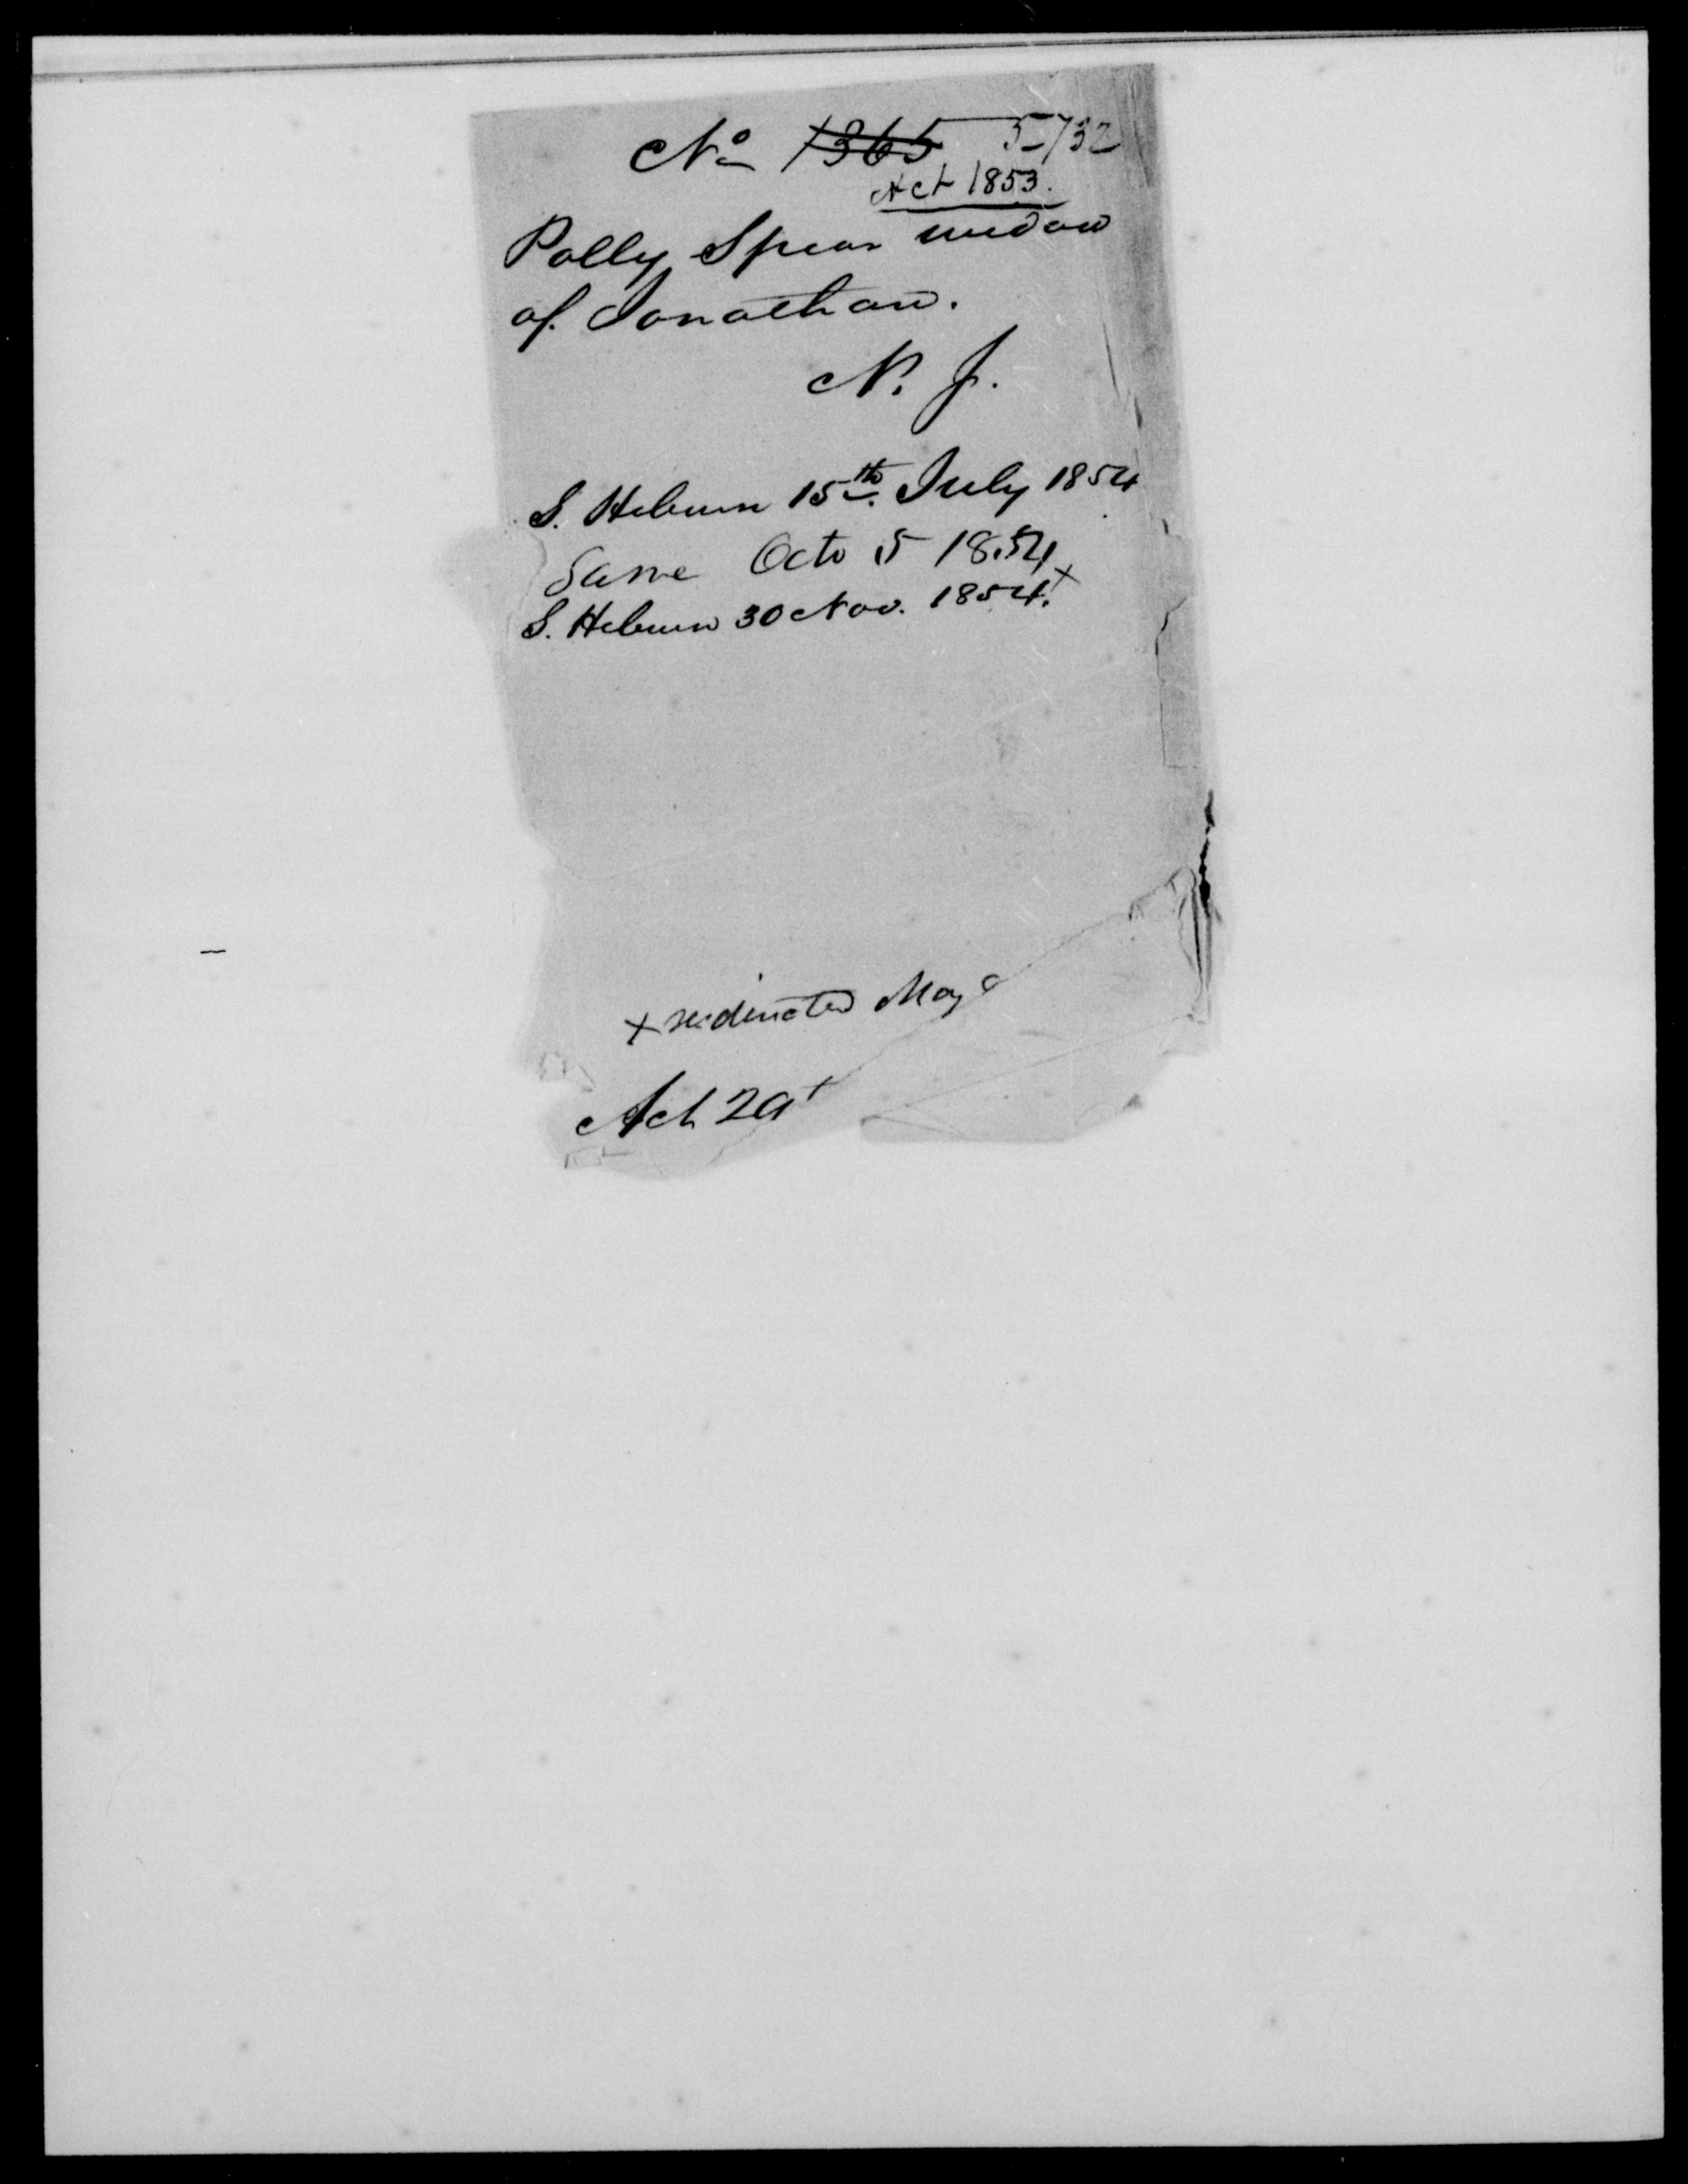No 1365 5-732
Act 1853.
Polly Spear widow
of Jonathan
N. J.
S. Heburn 15th July 1854
Same Oct 15 1844
S. Hebron 30 Nov. 1854
x sec dime to May 8
Act 29th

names: S Heburn; Jonathan Spear; Polly Spear; S Heburn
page: 30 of 65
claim: widow's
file: W. 7197, for Jonathan Spear, Vermont